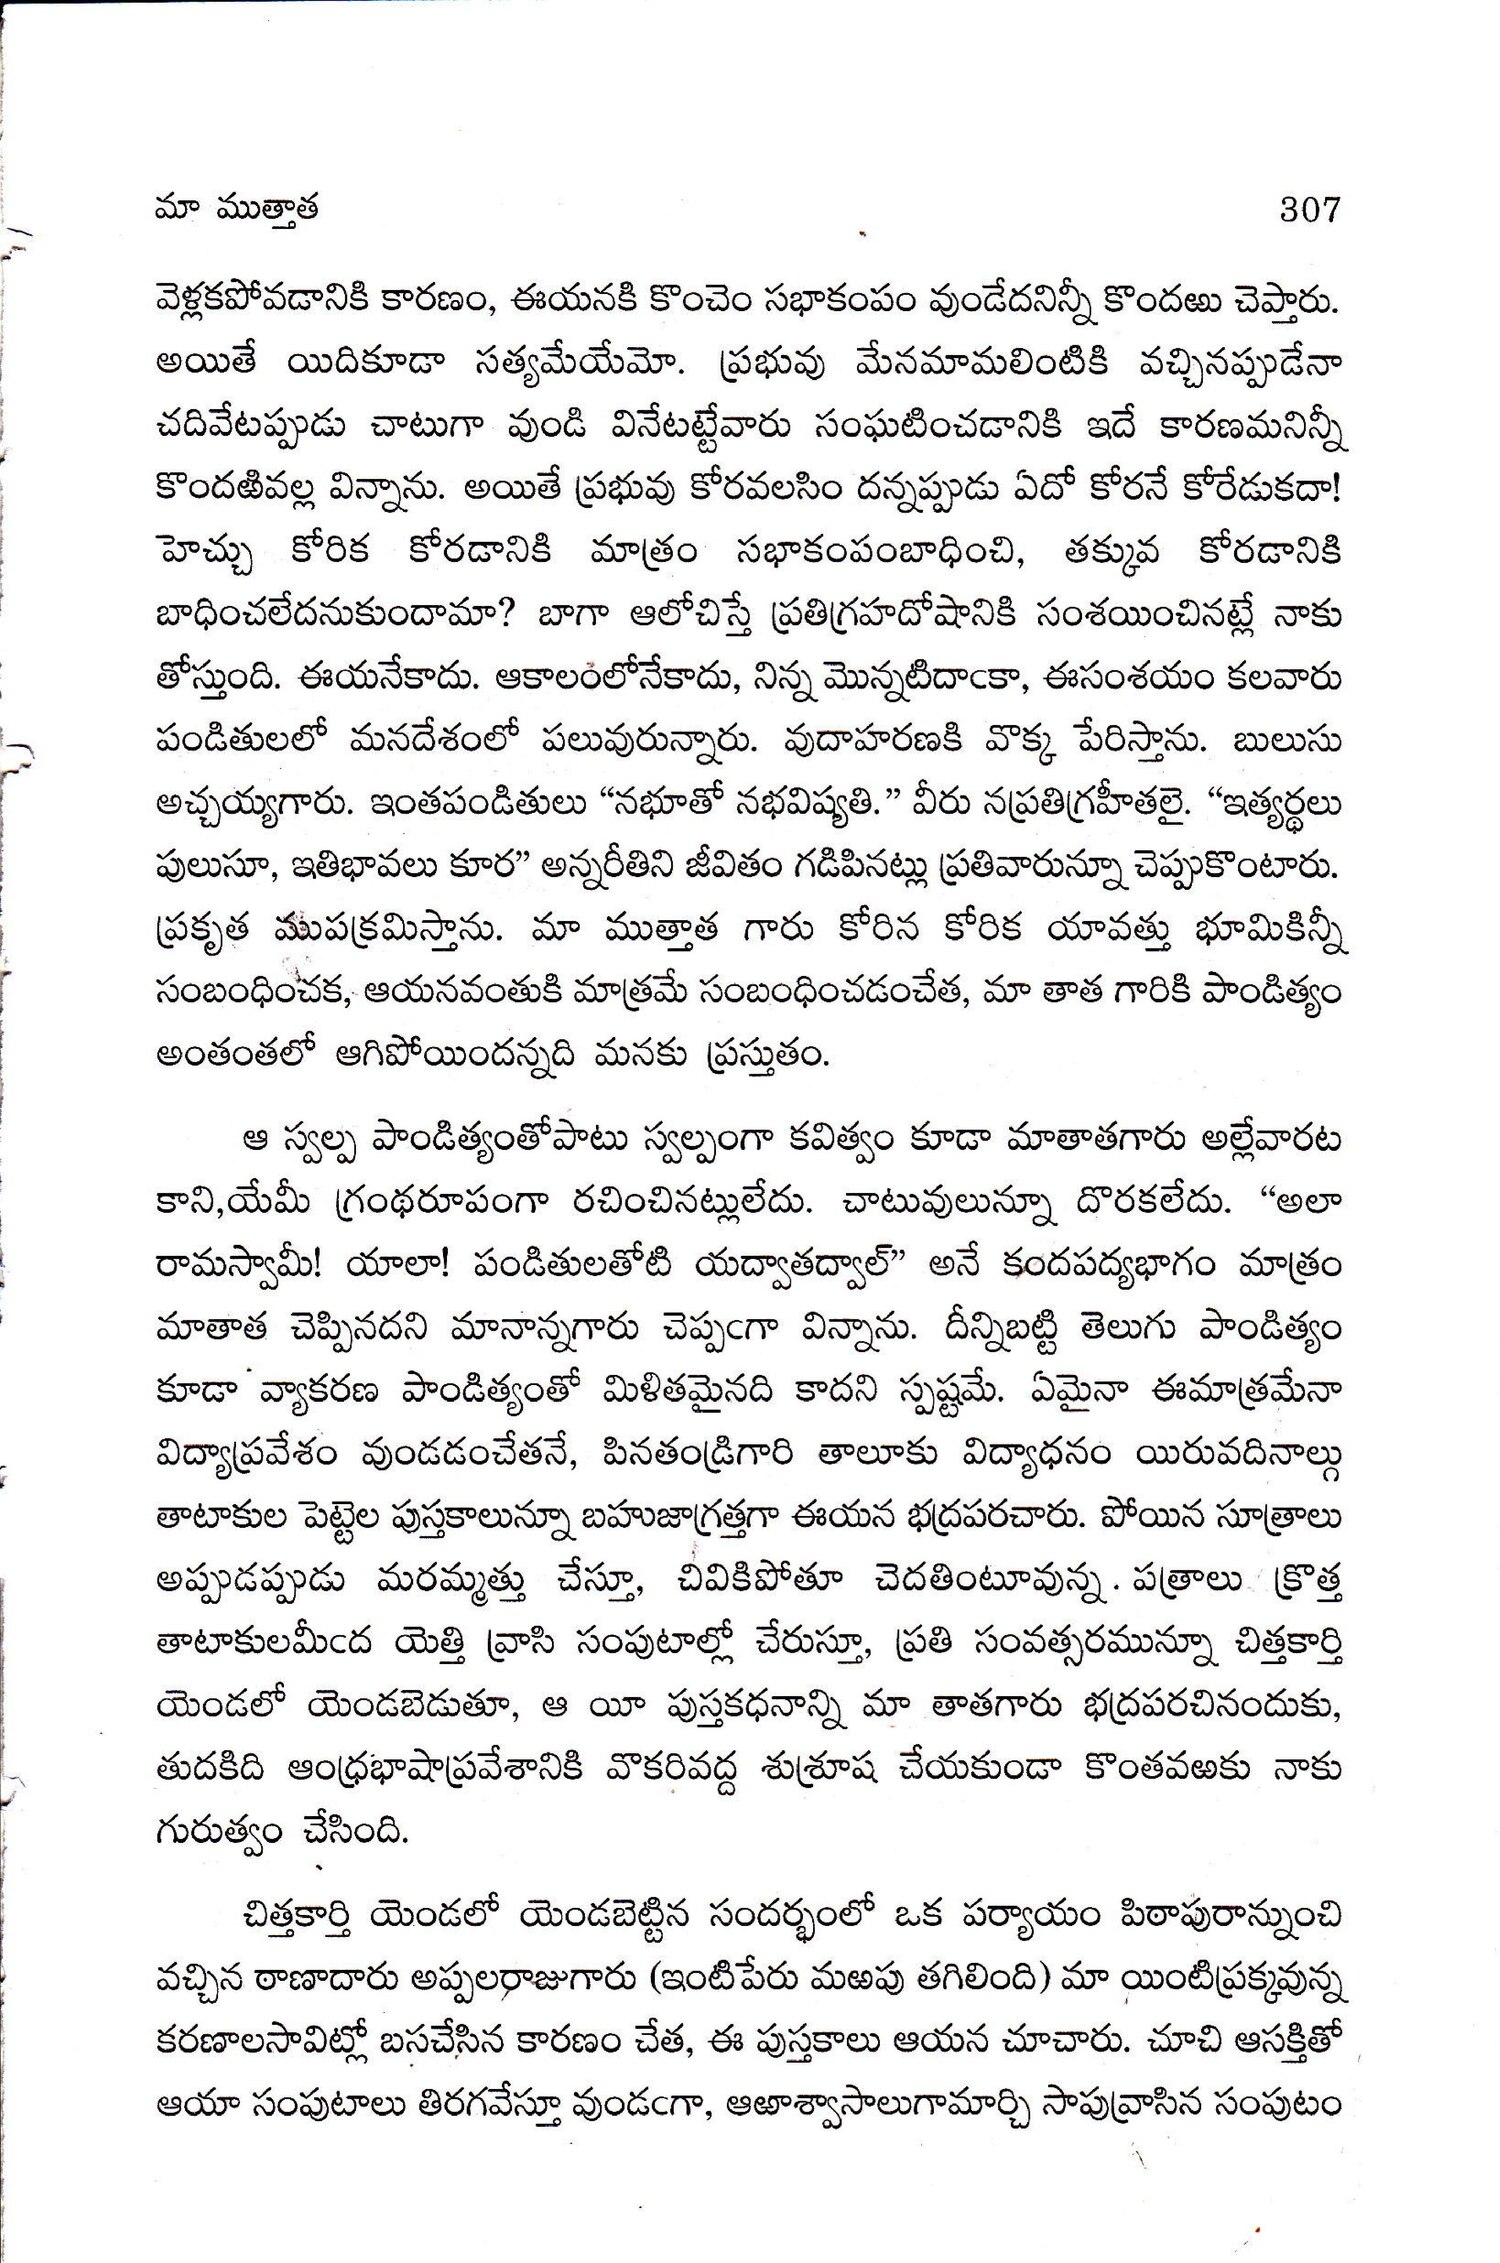వెళ్లకపోవడానికి కారణం, ఈయనకి కొంచెం సభాకంపం వుండేదనిన్నీ కొందఱు చెప్తారు. అయితే యిదికూడా సత్యమేయేమో. ప్రభువు మేనమామలింటికి వచ్చినప్పుడేనా చదివేటప్పుడు చాటుగా వుండి వినేటట్టేవారు సంఘటించడానికి ఇదే కారణమనిన్నీ కొందఱివల్ల విన్నాను. అయితే ప్రభువు కోరవలసిం దన్నప్పుడు ఏదో కోరనే కోరేడుకదా! హెచ్చు కోరిక కోరడానికి మాత్రం సభాకంపంబాధించి, తక్కువ కోరడానికి బాధించలేదనుకుందామా? బాగా ఆలోచిస్తే ప్రతిగ్రహదోషానికి సంశయించినట్లే నాకు తోస్తుంది. ఈయనేకాదు. ఆకాలంలోనేకాదు, నిన్న మొన్నటిదాఁకా, ఈసంశయం కలవారు పండితులలో మనదేశంలో పలువురున్నారు. వుదాహరణకి వొక్క పేరిస్తాను. బులుసు అచ్చయ్యగారు. ఇంతపండితులు "నభూతో నభవిష్యతి." వీరు నప్రతిగ్రహీతలై "ఇత్యర్థలు | పులుసూ, ఇతిభావలు కూర" అన్నరీతిని జీవితం గడిపినట్లు ప్రతివారున్నూ చెప్పుకొంటారు. ప్రకృత ముపక్రమిస్తాను. మా ముత్తాత గారు కోరిన కోరిక యావత్తు భూమికిన్నీ సంబంధించక, ఆయనవంతుకి మాత్రమే సంబంధించడంచేత, మా తాత గారికి పాండిత్యం
అంతంతలో ఆగిపోయిందన్నది మనకు ప్రస్తుతం.

ఆ స్వల్ప పాండిత్యంతోపాటు స్వల్పంగా కవిత్వం కూడా మాతాతగారు అల్లేవారట కాని,యేమీ గ్రంథరూపంగా రచించినట్లులేదు. చాటువులున్నూ దొరకలేదు. “అలా రామస్వామీ! యాలా! పండితులతోటి యద్వాతద్వాల్" అనే కందపద్యభాగం మాత్రం | మాతాత చెప్పినదని మానాన్నగారు చెప్పఁగా విన్నాను. దీన్నిబట్టి తెలుగు పాండిత్యం కూడా వ్యాకరణ పాండిత్యంతో మిళితమైనది కాదని స్పష్టమే. ఏమైనా ఈమాత్రమేనా విద్యాప్రవేశం వుండడంచేతనే, పినతండ్రిగారి తాలూకు విద్యాధనం యిరువదినాలు తాటాకుల పెట్టెల పుస్తకాలున్నూ బహుజాగ్రత్తగా ఈయన భద్రపరచారు. పోయిన సూత్రాలు అప్పుడప్పుడు మరమ్మత్తు చేస్తూ, చివికిపోతూ చెదతింటూవున్న పత్రాలు క్రొత్త తాటాకులమీఁద యెత్తి వ్రాసి సంపుటాల్లో చేరుస్తూ, ప్రతి సంవత్సరమున్నూ చిత్తకార్తి యెండలో యెండబెడుతూ, ఆ యీ పుస్తకధనాన్ని మా తాతగారు భద్రపరచినందుకు, తుదకిది ఆంధ్రభాషాప్రవేశానికి వొకరివద్ద శుశ్రూష చేయకుండా కొంతవఱకు నాకు గురుత్వం చేసింది.

చిత్తకార్తి యెండలో యెండబెట్టిన సందర్భంలో ఒక పర్యాయం పిఠాపురాన్నుంచి వచ్చిన ఠాణాదారు అప్పలరాజుగారు (ఇంటిపేరు మఱపు తగిలింది) మా యింటిప్రక్కవున్న కరణాలసావిట్లో బసచేసిన కారణం చేత, ఈ పుస్తకాలు ఆయన చూచారు. చూచి ఆసక్తితో ఆయా సంపుటాలు తిరగవేస్తూ వుండంగా, ఆఱాశ్వాసాలుగా మార్చి సాపువ్రాసిన సంపుటం